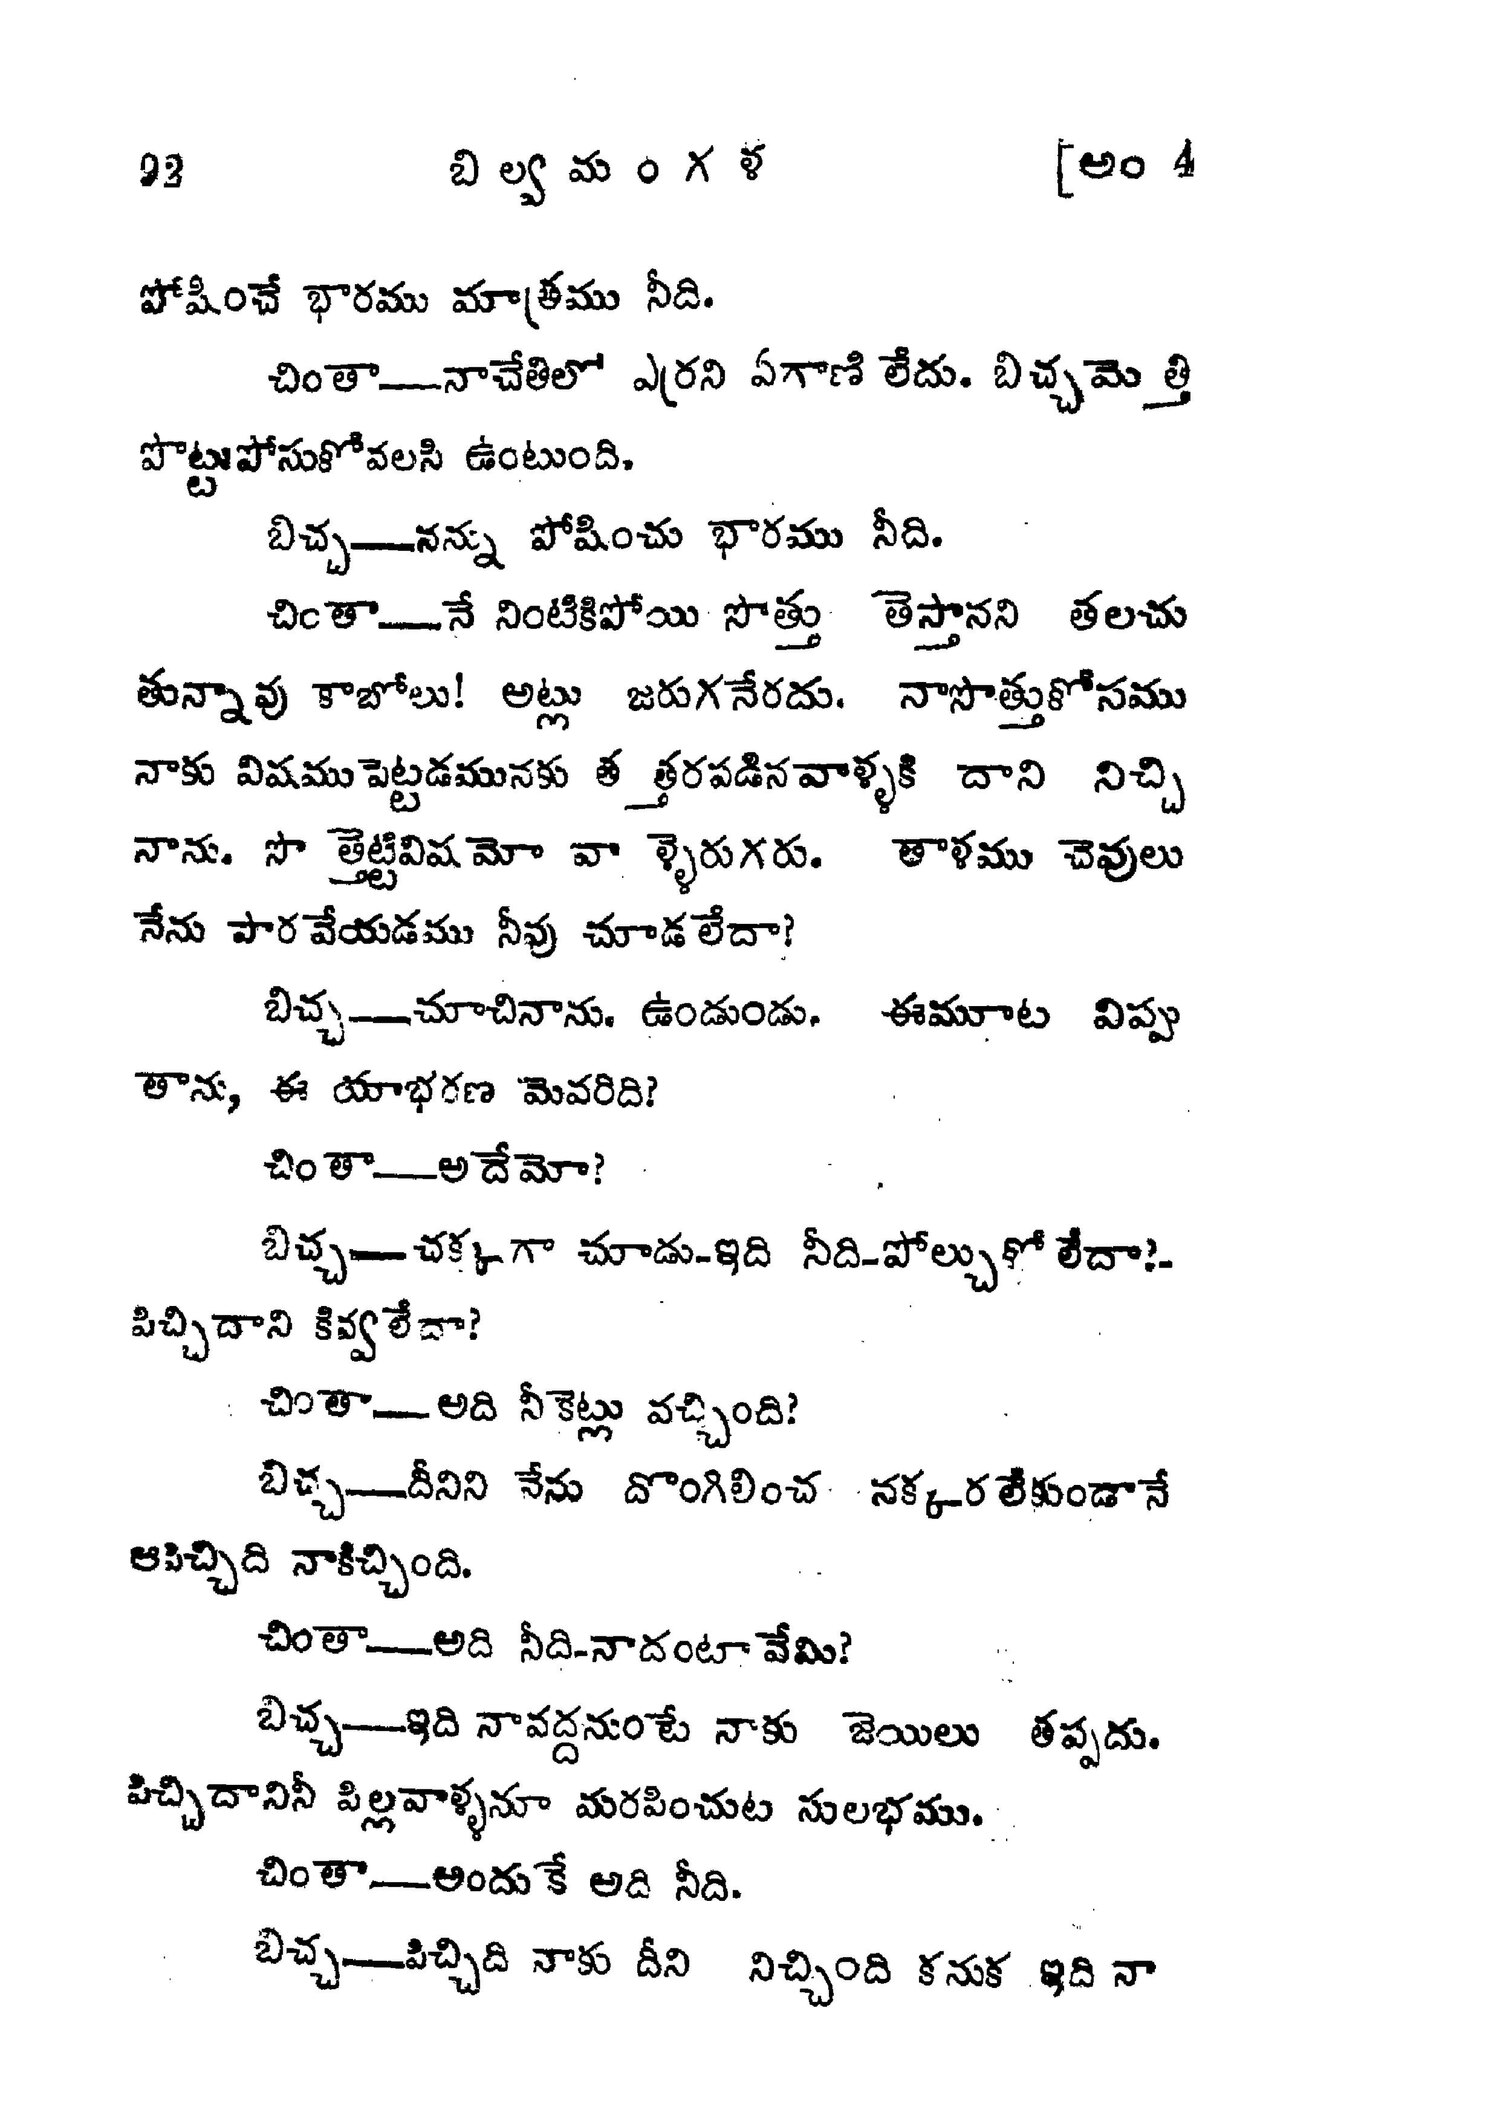పోషించే భారము మాత్రము నీది.

చింతా - నాచేతిలో ఎర్రని ఏగాణి లేదు. బిచ్చమెత్తి పొట్టపోసుకోవలసి ఉంటుంది.

బిచ్చ - నన్ను పోషించు భారము నీది.

చింతా - నే నింటికిపోయి సొత్తు తెస్తానని తలచు తున్నావు కాబోలు! అట్లు జరుగనేరదు. నాసొత్తుకోసము నాకు విషము పెట్టడమునకు తత్తరపడినవాళ్ళకి దాని నిచ్చినాను. సొత్తెట్టివిషమో వా ళ్ళెరుగరు. తాళము చెవులు నేను పారవేయడము నీవు చూడలేదా?

బిచ్చ - చూచినాను. ఉండుండు. ఈమూట విప్పుతాను, ఈ యాభరణ మెవరిది?

చింతా - అదేమో?

బిచ్చ - చక్కగా చూడు - ఇది నీది-పోల్చుకోలేదా? - పిచ్చిదాని కివ్వలేదా?

చింతా - అది నీకెట్లు వచ్చింది?

బిచ్చ - దీనిని నేను దొంగిలించ నక్కరలేకుండానే ఆపిచ్చిది నాకిచ్చింది.

చింతా - అది నీది-నాదంటా వేమి?

బిచ్చ - ఇది నావద్దనుంటే నాకు జెయిలు తప్పదు. పిచ్చిదానినీ పిల్లవాళ్ళనూ మరపించుట సులభము.

చింతా - అందుకే అది నీది.

బిచ్చ - పిచ్చిది నాకు దీని నిచ్చింది కనుక ఇది నా